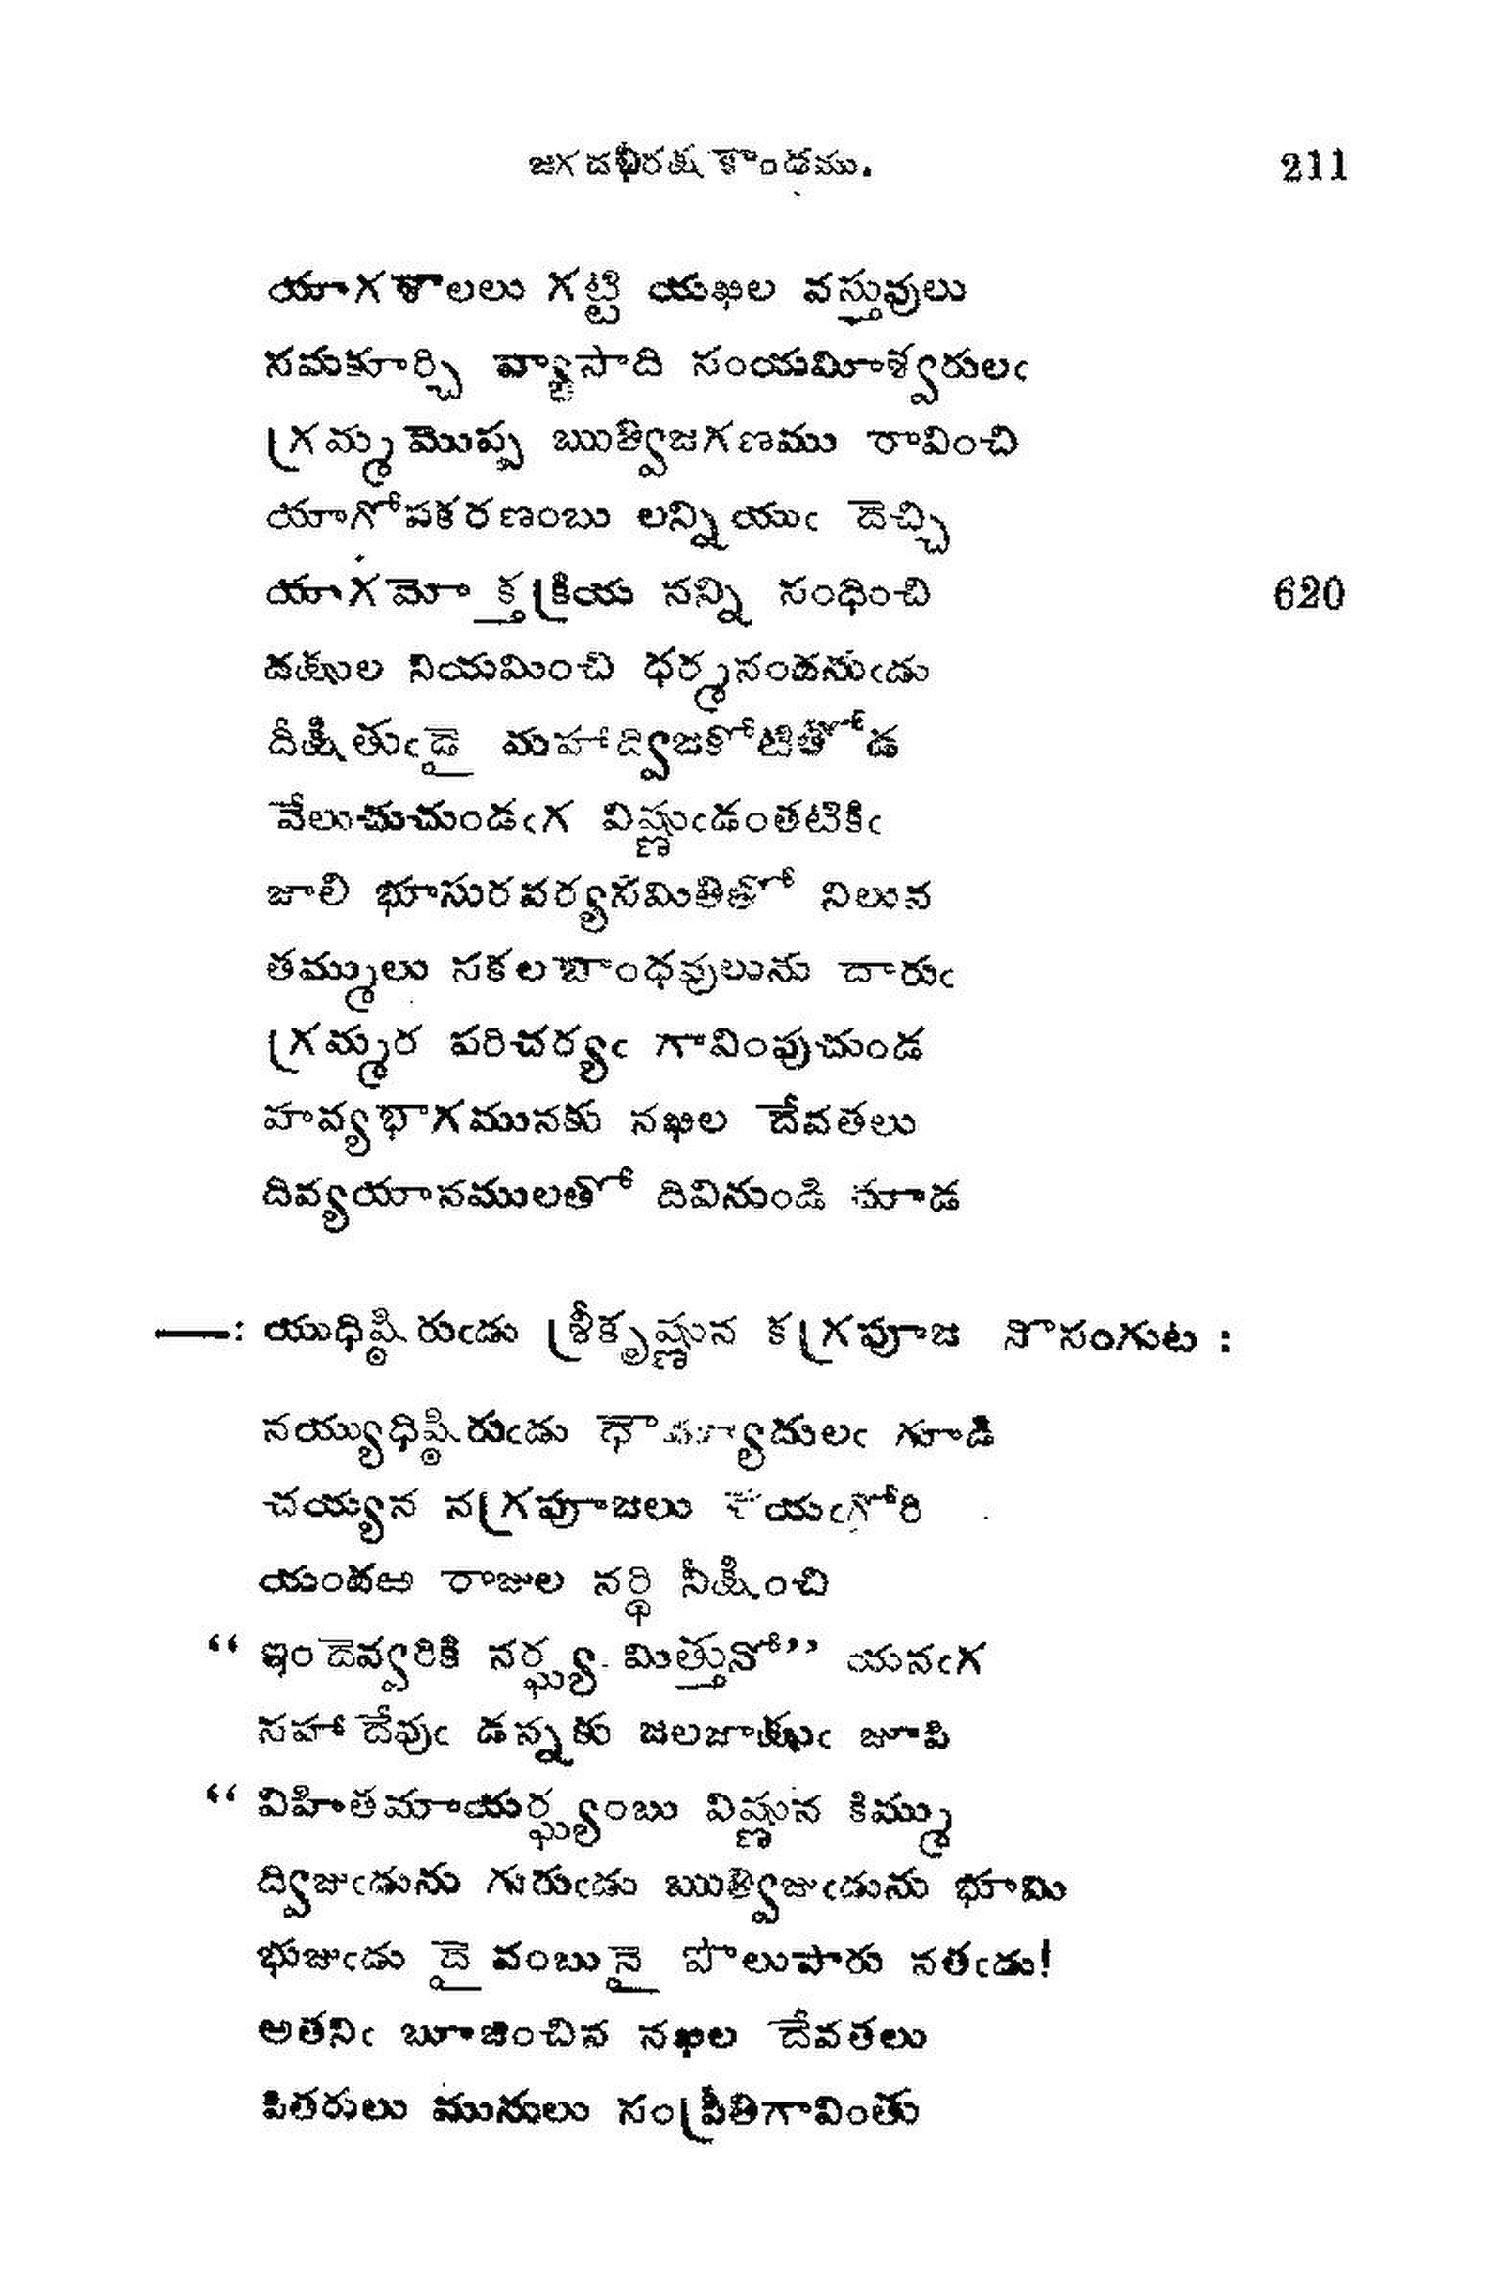యాగశాలలు గట్టి యఖిల వస్తువులు
సమకూర్చి వ్యాసాది సంయమీశ్వరులఁ 
గ్రమమొప్ప ఋత్విజగణము రావించి
యాగోపకరణంబు లన్నియుఁ దెచ్చి
యాగమోక్తక్రియ నన్ని సంధించి
దక్షుల నియమించి ధర్మనందనుడు
దీక్షితుఁడై మహాద్విజకోటితోడ
వేలుచుచుండఁగ విష్ణుఁడంతటికిఁ
జాలి భూసురవర్యసమితితో నిలువ
తమ్ములు సకలబాంధవులును దారుఁ 
గ్రమ్మర పరిచర్యఁ గావింపుచుండ
హవ్యభాగమునకు నఖిల దేవతలు
దివ్యయానములతో దివినుండి చూడ

నయ్యుధిష్ఠురుఁడు ధౌమ్యాదుల గూడి 
చయ్యన నగ్రపూజలు చేయఁగోరి 
యందఱ రాజుల నర్థి నీక్షించి
‘ఇందెవ్వరికి నర్ఘ్యమిత్తునో” యనఁగ
సహదేవుఁ డన్నకు జలజాక్షుఁ జూపి 
“విహిత మాయర్ఘ్యంబు విష్ణున కిమ్ము 
ద్విజుఁడును గురుఁడు ఋత్విజుఁడును భూమి
భుజుఁడు దైవంబునై పొలుపారు నతఁడు! 
అతనిఁ బూజించిన నఖిలదేవతలు
పితరులు మునులు సంప్రీతిగావింతు”